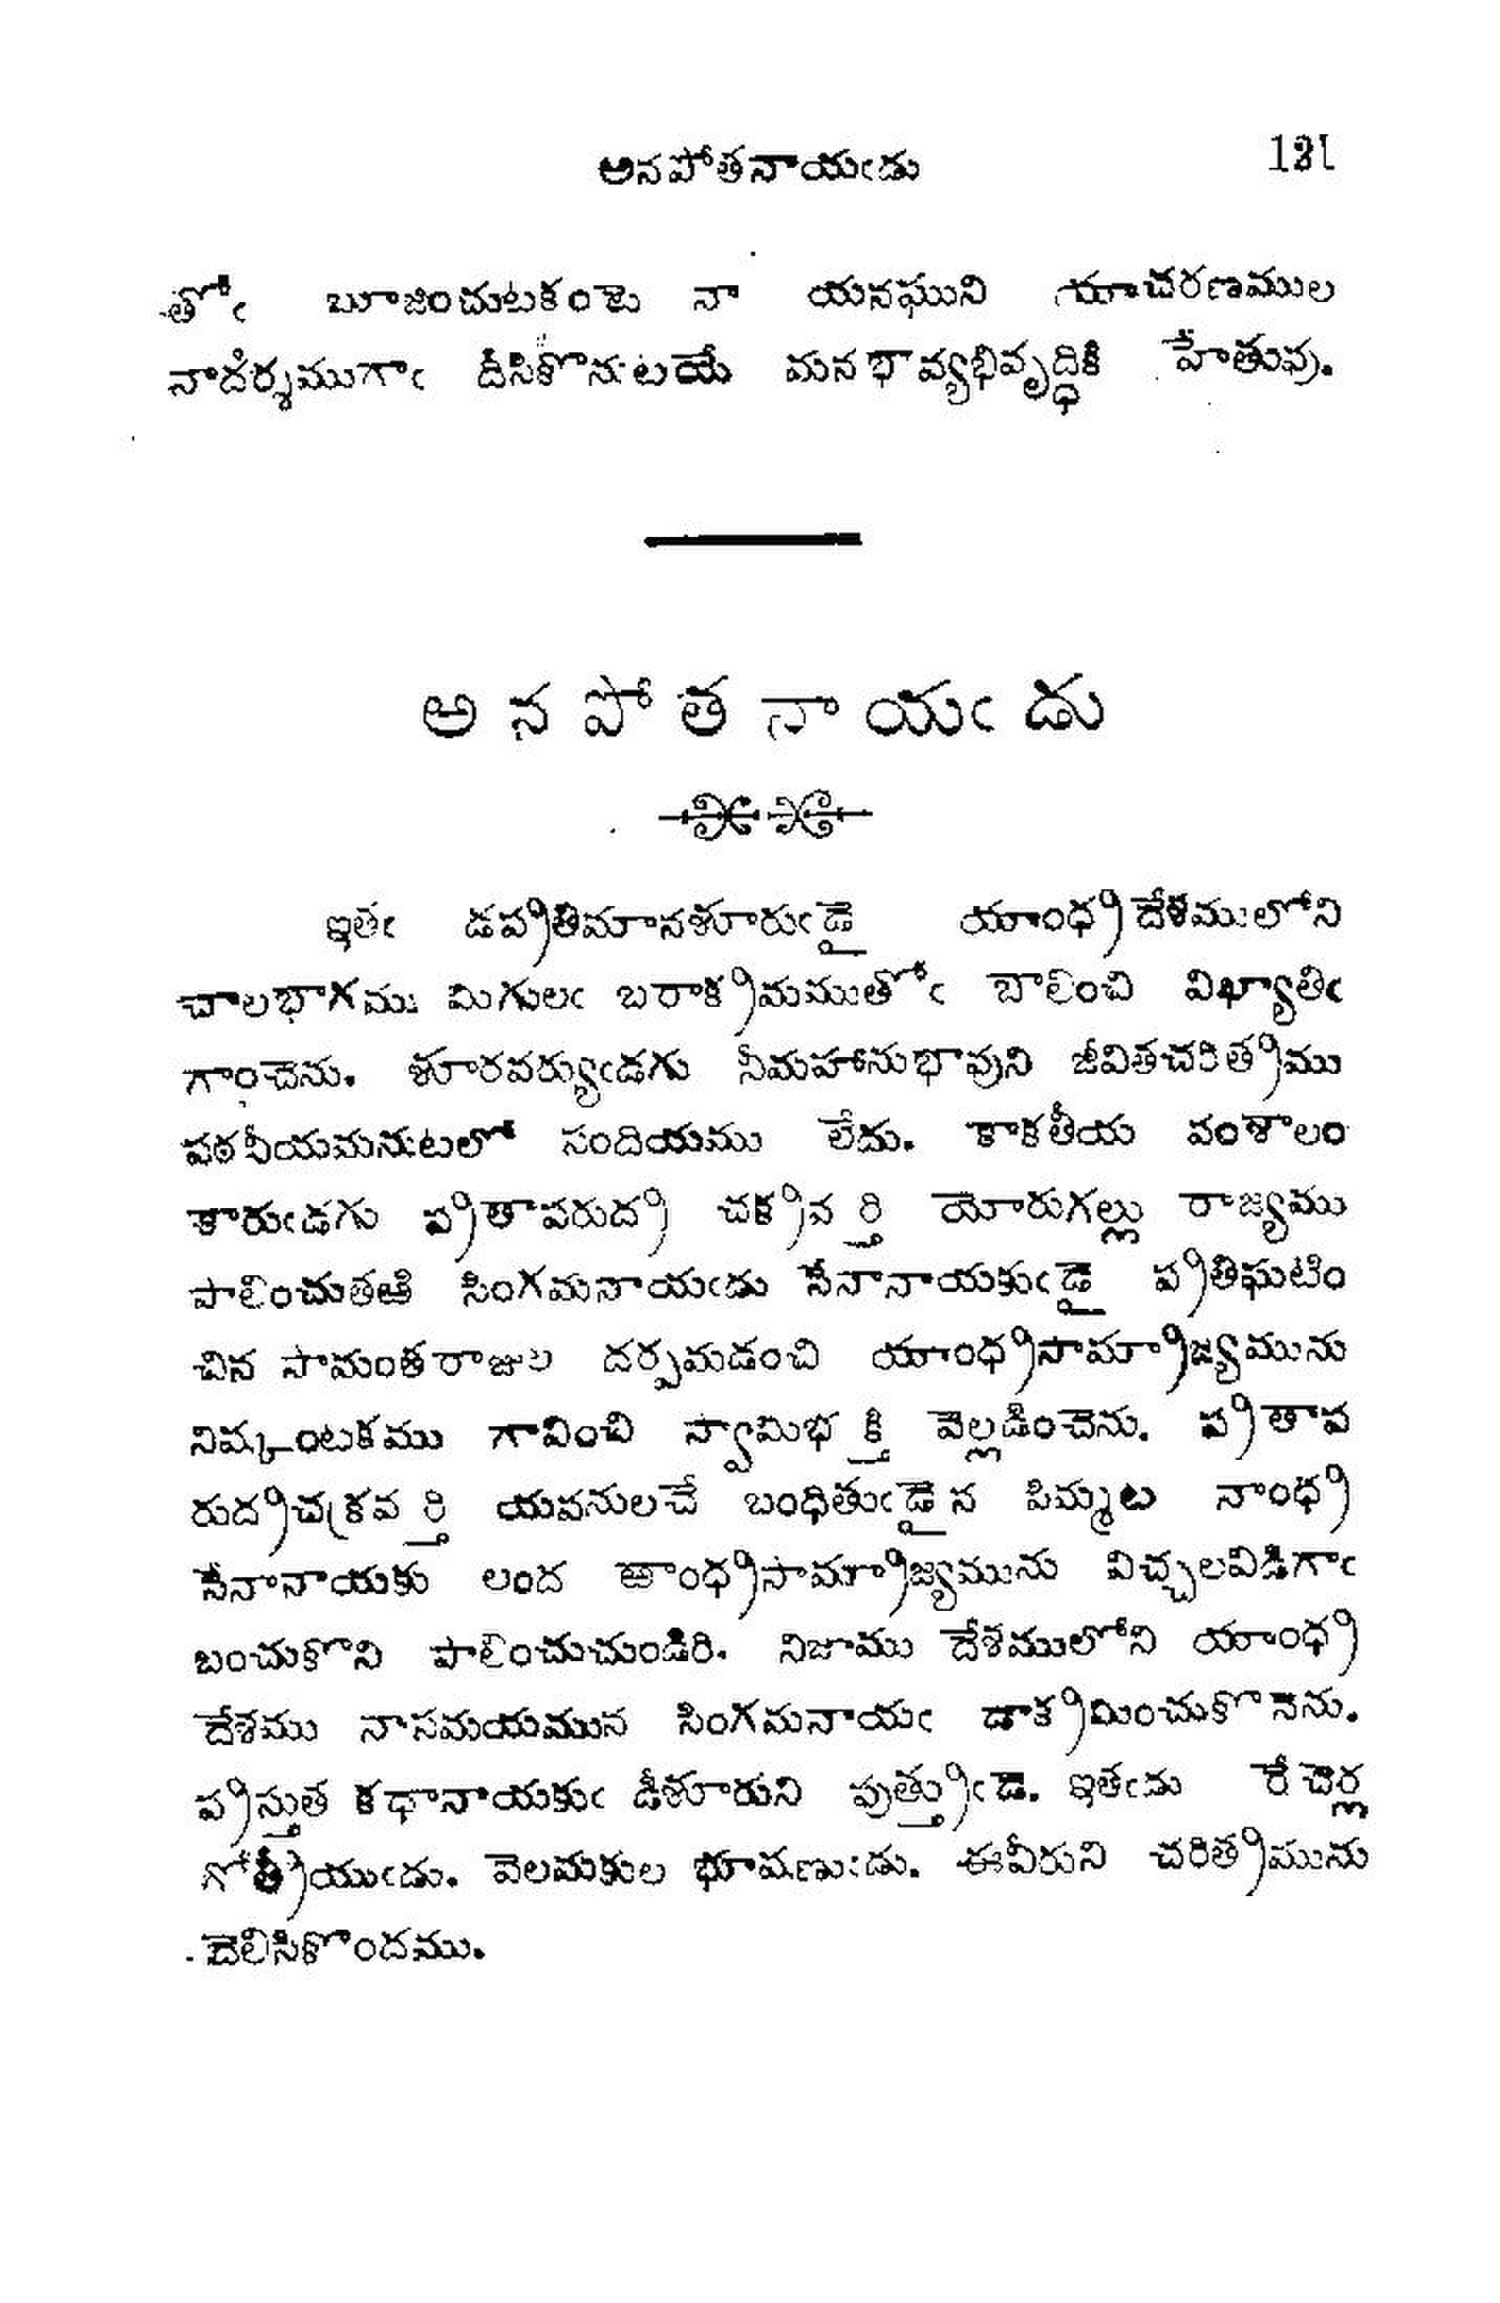తో బూజించుటకంటె నా యనఘుని యాచరణముల నాదర్శముగా దీసికొనుటయే మనభావ్యభివృద్ధికి హేతువు.

________

ఇత డప్రతిమానశూరుడై యాంధ్రదేశములోని చాలభాగము మిగుల బరాక్రమముతో బాలించి విఖ్యాతి గాంచెను. శూరవర్యుడగు నీమహానుభావుని జీవితచరిత్రము పఠనీయమనుటలో సందియము లేదు. కాకతీయ వంశాలంకారుడగు ప్రతాపరుద్ర చక్రవర్తి యోరుగల్లు రాజ్యము పాలించుతఱి సింగమనాయడు సేనానాయకుడై ప్రతిఘటించిన సామంతరాజుల దర్పమడంచి యాంధ్రసామ్రాజ్యమును నిష్కంటకము గావించి స్వామిభక్తి వెల్లడించెను. ప్రతాపరుద్రచక్రవర్తి యవనులచే బంధితుడైన పిమ్మట నాంధ్ర సేనానాయకు లంద ఱాంధ్రసామ్రాజ్యమును విచ్చలవిడిగా బంచుకొని పాలించుచుండిరి. నిజాము దేశములోని యాంధ్రదేశము నాసమయమున సింగమనాయ డాక్రమించుకొనెను. ప్రస్తుత కధానాయకు డీశూరుని పుత్రుడె. ఇతడు రేచెర్ల గోత్రీయుడు. వెలమకుల భూషణుడు. ఈవీరుని చరిత్రమును దెలిసికొందము.